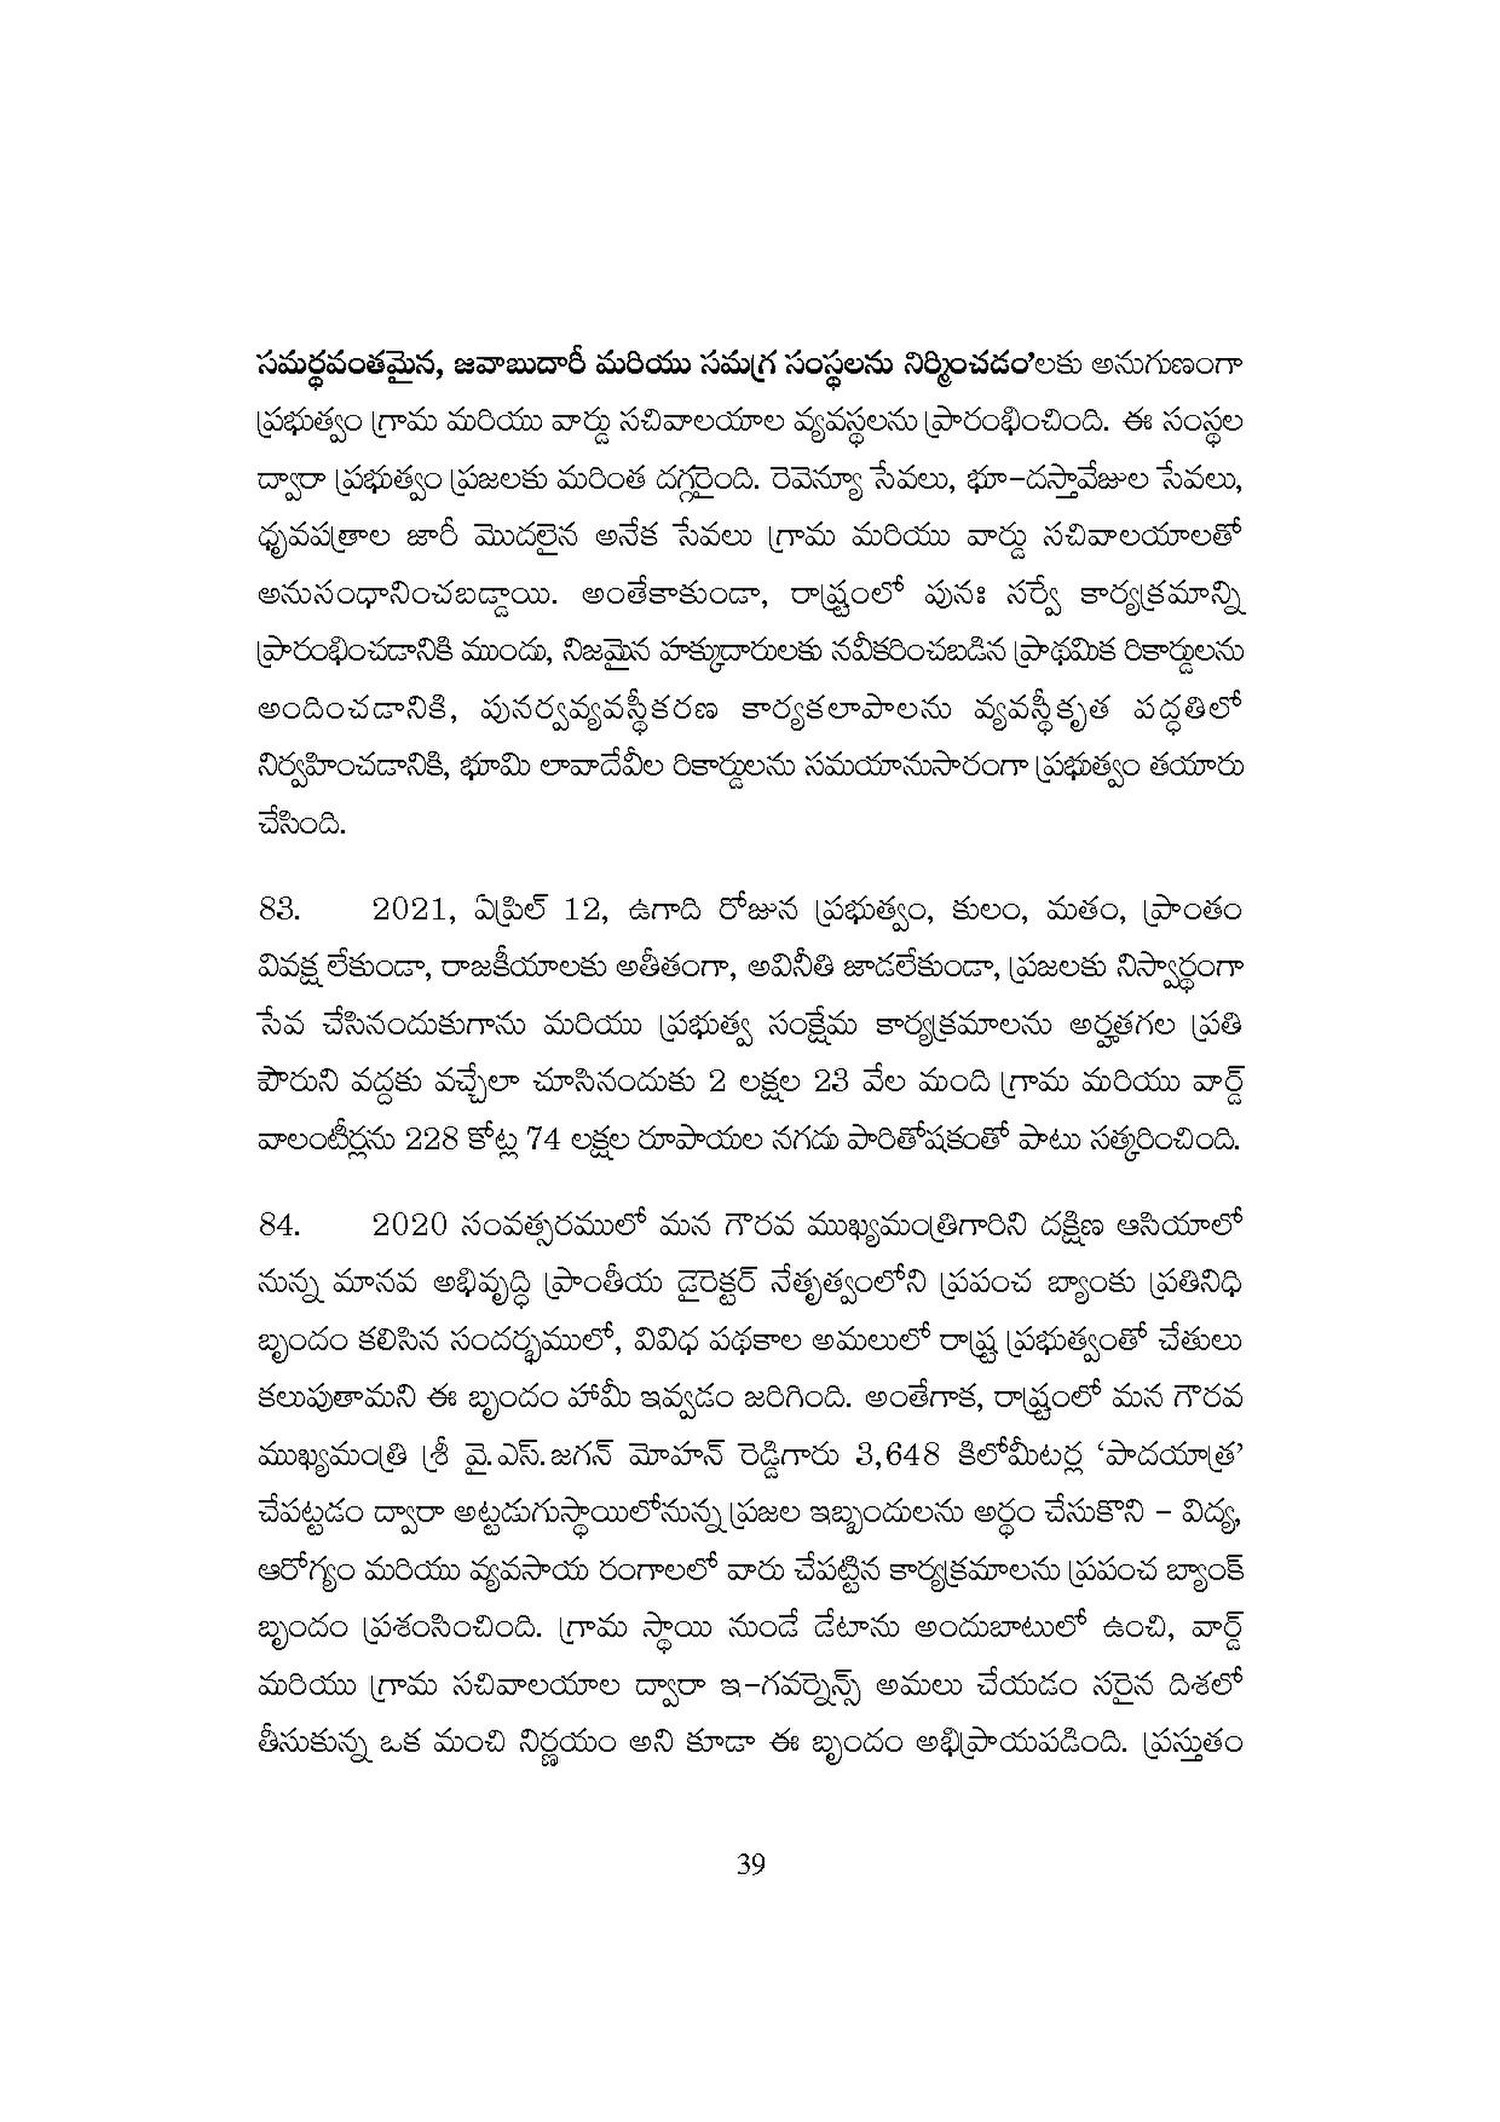సమర్థవంతమైన, జవాబుదారీ మరియు సమగ్ర సంస్థలను నిర్మించడం'లకు అనుగుణంగా
ప్రభుత్వం గ్రామ మరియు వార్డు సచివాలయాల వ్యవస్థలను ప్రారంభించింది. ఈ సంస్థల
ద్వారా ప్రభుత్వం ప్రజలకు మరింత దగ్గరైంది. రెవెన్యూ సేవలు, భూ దస్తావేజుల సేవలు,
ధృవపత్రాల జారీ మొదలైన అనేక సేవలు గ్రామ మరియు వార్డు సచివాలయాలతో
అనుసంధానించబడ్డాయి. అంతేకాకుండా, రాష్ట్రంలో పునః సర్వే కార్యక్రమాన్ని
ప్రారంభించడానికి ముందు, నిజమైన హక్కుదారులకు నవీకరించబడిన ప్రాథమిక రికార్డులను
అందించడానికి, పునర్వవ్యవస్థీకరణ కార్యకలాపాలను వ్యవస్థీకృత పద్ధతిలో
నిర్వహించడానికి, భూమి లావాదేవీల రికార్డులను సమయానుసారంగా ప్రభుత్వం తయారు
చేసింది.

83. 2021, ఏప్రిల్ 12, ఉగాది రోజున ప్రభుత్వం, కులం, మతం, ప్రాంతం
వివక్ష లేకుండా, రాజకీయాలకు అతీతంగా, అవినీతి జాడలేకుండా, ప్రజలకు నిస్వార్థంగా
సేవ చేసినందుకుగాను మరియు ప్రభుత్వ సంక్షేమ కార్యక్రమాలను అర్హతగల ప్రతి
పౌరుని వద్దకు వచ్చేలా చూసినందుకు 2 లక్షల 23 వేల మంది గ్రామ మరియు వార్డ్
వాలంటీర్లను 228 కోట్ల 74 లక్షల రూపాయల నగదు పారితోషకంతో పాటు సత్కరించింది.

84. 2020 సంవత్సరములో మన గౌరవ ముఖ్యమంత్రిగారిని దక్షిణ ఆసియాలో
నున్న మానవ అభివృద్ధి ప్రాంతీయ డైరెక్టర్ నేతృత్వంలోని ప్రపంచ బ్యాంకు ప్రతినిధి
బృందం కలిసిన సందర్భములో, వివిధ పథకాల అమలులో రాష్ట్ర ప్రభుత్వంతో చేతులు
కలుపుతామని ఈ బృందం హామీ ఇవ్వడం జరిగింది. అంతేగాక, రాష్ట్రంలో మన గౌరవ
ముఖ్యమంత్రి శ్రీ వై.ఎస్.జగన్ మోహన్ రెడ్డిగారు 3,648 కిలోమీటర్ల 'పాదయాత్ర’
చేపట్టడం ద్వారా అట్టడుగు స్థాయిలోనున్న ప్రజల ఇబ్బందులను అర్థం చేసుకొని - విద్య,
ఆరోగ్యం మరియు వ్యవసాయ రంగాలలో వారు చేపట్టిన కార్యక్రమాలను ప్రపంచ బ్యాంక్
బృందం ప్రశంసించింది. గ్రామ స్థాయి నుండే డేటాను అందుబాటులో ఉంచి, వార్డ్
మరియు గ్రామ సచివాలయాల ద్వారా ఇ-గవర్నెన్స్ అమలు చేయడం సరైన దిశలో
తీసుకున్న ఒక మంచి నిర్ణయం అని కూడా ఈ బృందం అభిప్రాయపడింది. ప్రస్తుతం